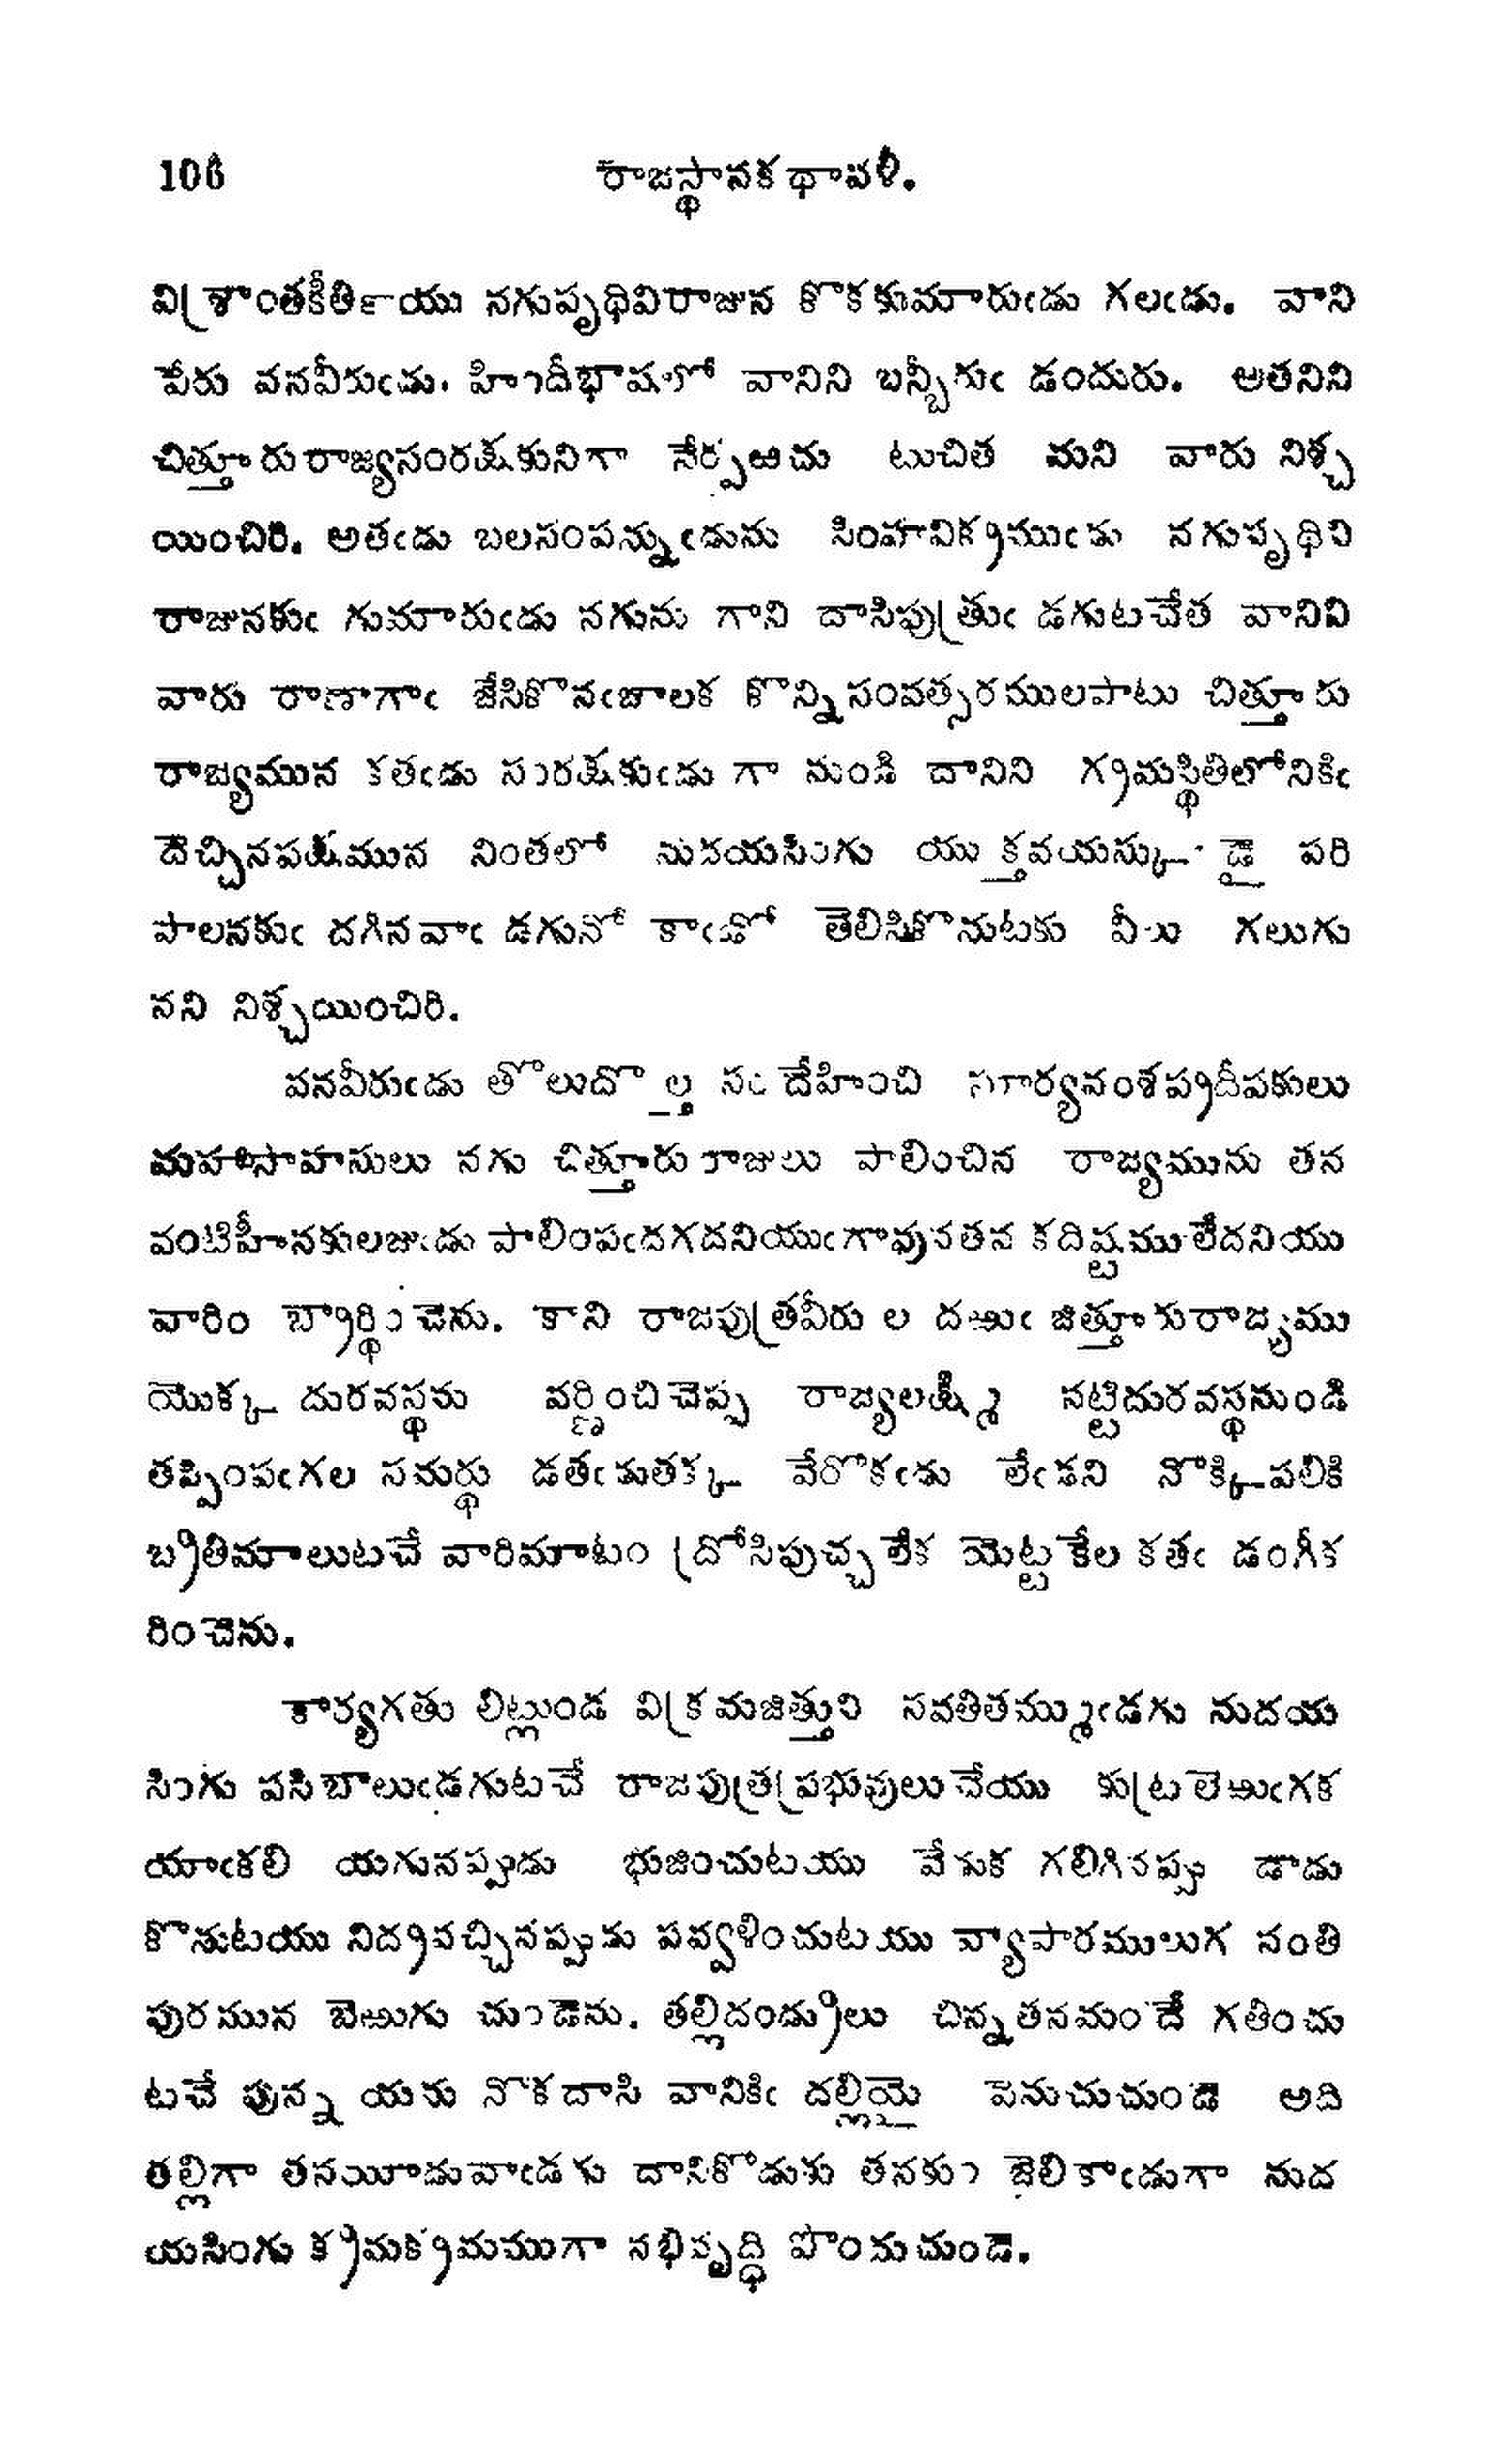విశ్రాంతకీతి౯యు నగుపృథివి రాజున కొక కుమారుఁడు గలఁడు. వాని పేరు వనవీరుఁడు. హిందీ భాషలో వానిని బన్బీరుఁ డందురు. అతనిని చిత్తూరు రాజ్యసంరక్షకునిగా నేర్పఱచు టుచిత మని వారు నిశ్చయించిరి. అతఁడు బలసంపన్నుఁడును సింహవిక్రముఁడు నగుపృథివి రాజునకుఁ గుమారుఁడు నగును గాని దాసిపుత్రుఁ డగుటచేత వానిని వారు రాణాగాఁ జేసికొనఁజాలక కొన్ని సంవత్సరములపాటు చిత్తూరు రాజ్యమున కతఁడు సంరక్షకుఁడు గా నుండి దానిని గ్రమస్థితిలోనికిఁ దెచ్చినపక్షమున నింతలో నుదయసింగు యుక్తవయస్కుడై పరిపాలనకుఁ దగినవాఁ డగునో కాఁడో తెలిసికొనుటకు వీలు గలుగునని నిశ్చయించిరి.

వనవీరుఁడు తొలుదొ ల్త సందేహించి సూర్యవంశ ప్రదీపకులు మహాసాహసులు నగు చిత్తూరు రాజులు పాలించిన రాజ్యమును తనవంటి హీనకులజుఁడు పాలింపఁదగదనియుఁ గావున తన కదిష్టము లేదనియు వారిం బ్రార్థించెను. "కాని రాజపుత్రవీరు లందఱుఁ జిత్తూరు రాజ్యము యొక్క దురవస్థను వర్ణించి చెప్ప రాజ్యలక్ష్మి నట్టిదురవస్థనుండి తప్పింపఁగల సమర్థు డతఁడు తక్క. వేరొకఁడు లేఁడని నొక్కి పలికి
బ్రతిమాలుటచే వారిమాటం దోసిపుచ్చలేక యెట్టకేల కతఁ డంగీకరించెను.

కార్యగతు లిట్లుండ విక్రమజిత్తుని సవతితమ్ముఁడగు నుదయసింగు పసి బాలుఁడగుటచే రాజపుత్ర ప్రభువులు చేయు కుట్రలెఱుఁగక
యాకలి యగునప్పుడు భుజించుటయు వేడుక గలిగినప్పు డాడు కొనుటయు నిద్రవచ్చినప్పుడు పవ్వళించుటయు వ్యాపారములుగ నంతి
పురమున బెణుగు చుండెను. తల్లిదండ్రులు చిన్న తనమందే గతించుటచే పున్న యను నొకదాసి వానికిఁ దల్లియై పెనుచుచుండె అది
తల్లిగా తన యీడువాడగు దాని కోడుకు తనకుం జెలి కాఁడుగా నుదయసింగు క్రమక్రమముగా నభివృద్ధి పొందుచుండె.